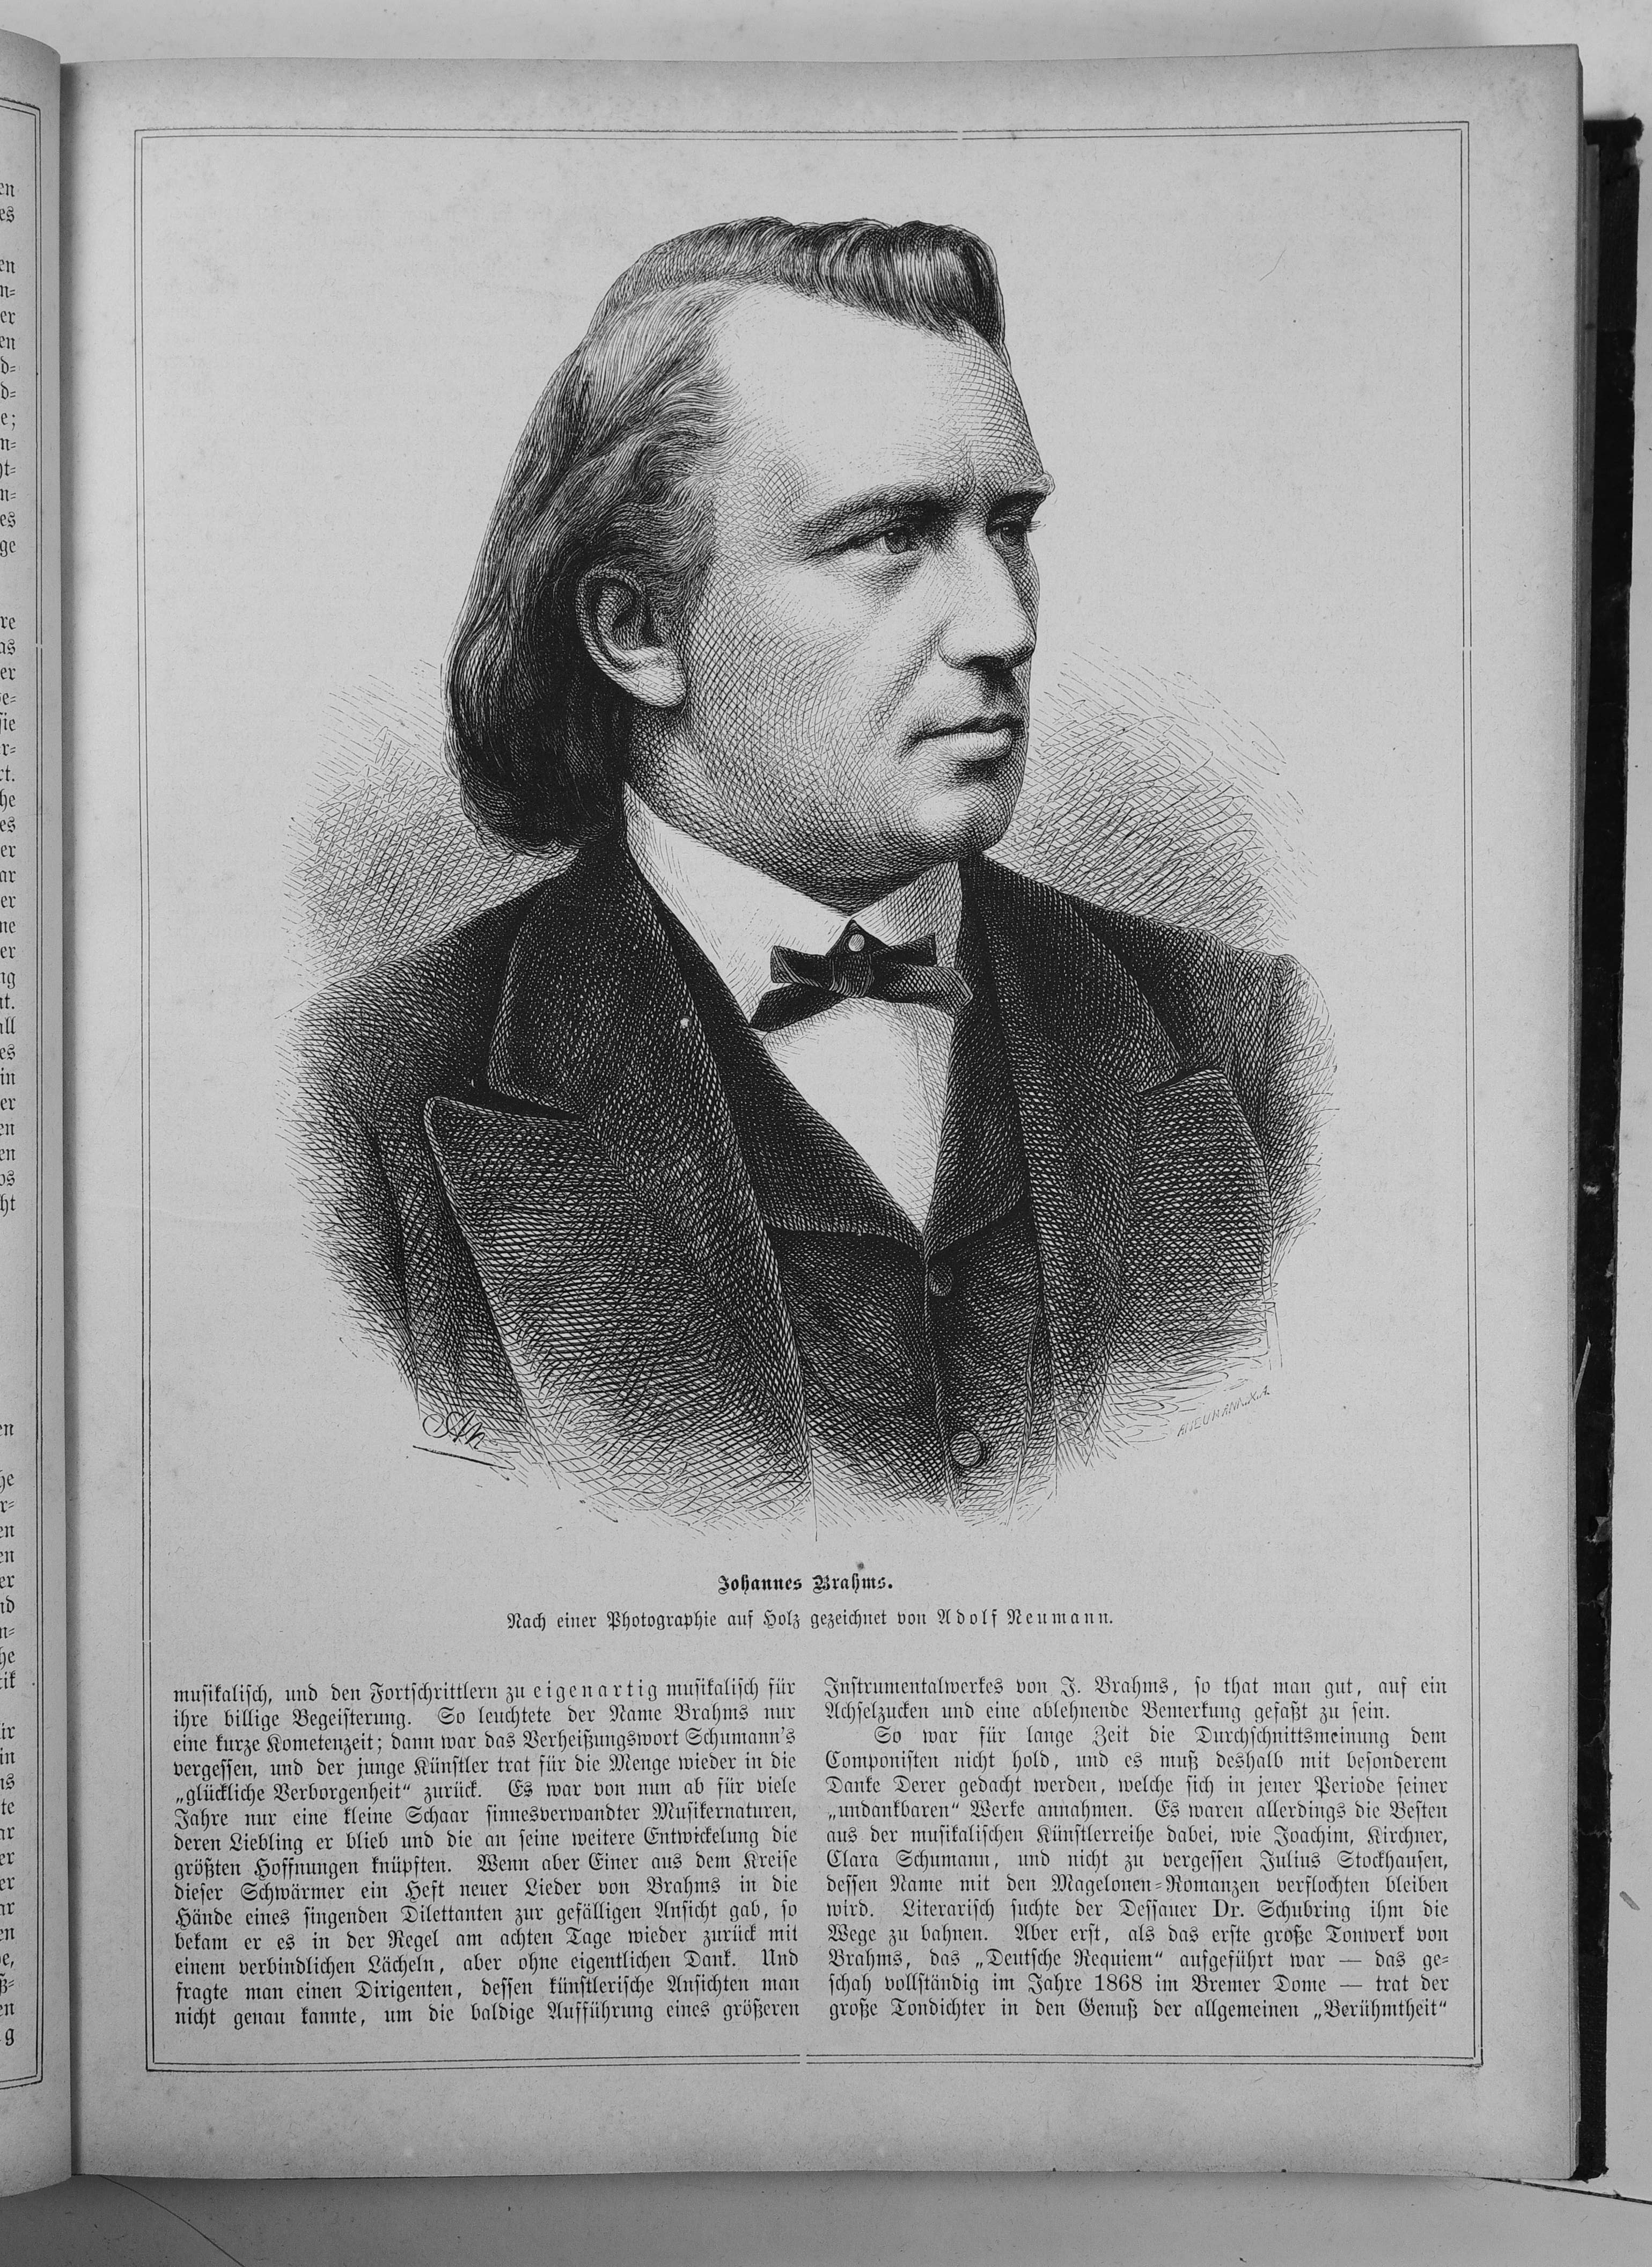Johannes Brahms.
Nach einer Photographie auf Holz gezeichnet von Adolf Neumann.

musikalisch, und den Fortschrittlern zu eigenartig musikalisch für ihre billige Begeisterung. So leuchtete der Name Brahms nur eine kurze Kometenzeit; dann war das Verheißungswort Schumann’s vergessen, und der junge Küstler trat für die Menge wieder in die „glückliche Verborgenheit“ zurück. Es war von nun ab für viele Jahre nur eine kleine Schaar sinnesverwandter Musikernaturen, deren Liebling er blieb und die an seine weitere Entwickelung die größten Hoffnungen knüpften. Wenn aber Einer aus dem Kreise dieser Schwärmer ein Heft neuer Lieder von Brahms in die Hände eines singenden Dilettanten zur gefälligen Ansicht gab, so bekam er es in der Regel am achten Tage wieder zurück mit einem verbindlichen Lächeln, aber ohne eigentlichen Dank. Und fragte man einen Dirigenten, dessen künstlerische Ansichten man nicht genau kannte, um die baldige Aufführung eines größeren Instrumentalwerkes von J. Brahms, so that man gut, auf ein Achselzucken und eine ablehnende Bemerkung gefaßt zu sein.

So war für lange Zeit die Durchschnittsmeinung dem Componisten nicht hold, und es muß deshalb mit besonderem Danke Derer gedacht werden, welche sich in jener Periode seiner „undankbaren“ Werke annahmen. Es waren allerdings die Besten aus der musikalischen Künstlerreihe dabei, wie Joachim, Kirchner, Clara Schumann, und nicht zu vergessen Julius Stockhausen, dessen Name mit den Magelonen-Romanzen verflochten bleiben wird. Literarisch suchte der Dessauer Dr. Schubring ihm die Wege zu bahnen. Aber erst, als das erste große Tonwerk von Brahms, das „Deutsche Requiem“ aufgeführt war – das geschah vollständig im Jahre 1868 im Bremer Dome – trat der große Tondichter in den Genuß der allgemeinen „Berühmtheit“
